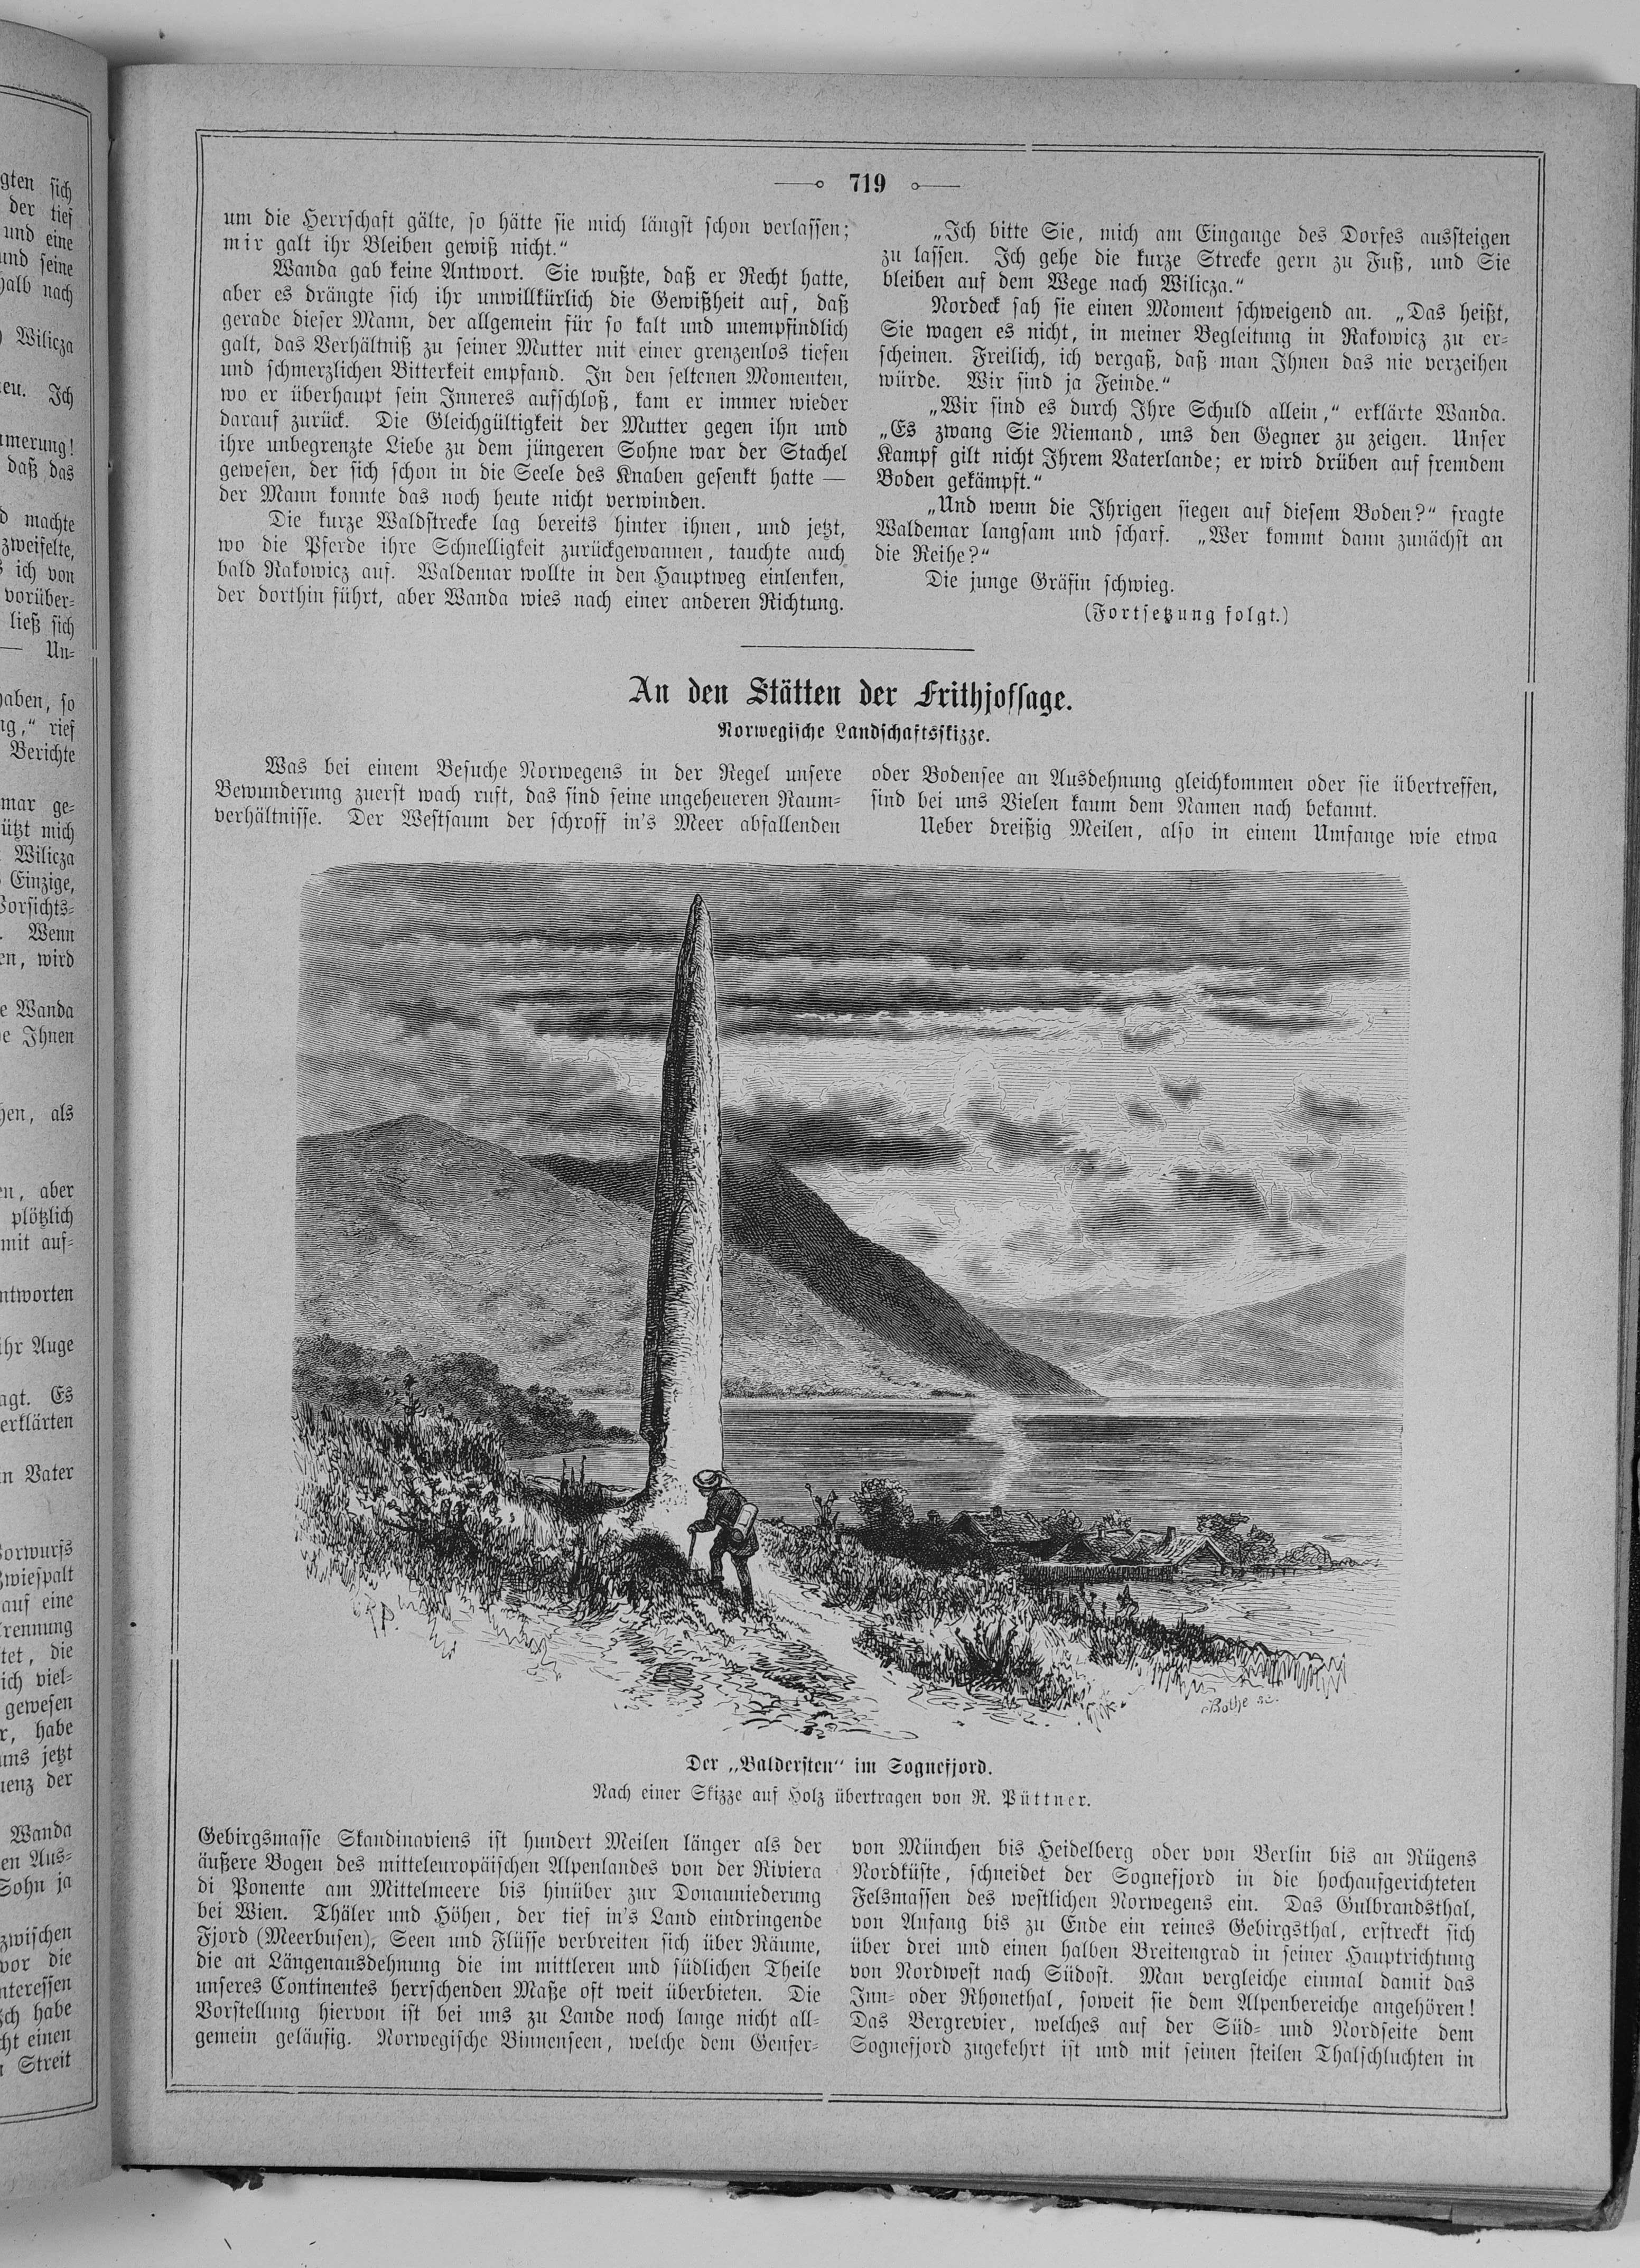um die Herrschaft gälte, so hätte sie mich längst schon verlassen; mir galt ihr Bleiben gewiß nicht.“

Wanda gab keine Antwort. Sie wußte, daß er Recht hatte, aber es drängte sich ihr unwillkürlich die Gewißheit auf, daß gerade dieser Mann, der allgemein für so kalt und unempfindlich galt, das Verhältniß zu seiner Mutter mit einer grenzenlos tiefen und schmerzlichen Bitterkeit empfand. In den seltenen Momenten, wo er überhaupt sein Inneres aufschloß, kam er immer wieder darauf zurück. Die Gleichgültigkeit der Mutter gegen ihn und ihre unbegrenzte Liebe zu dem jüngeren Sohne war der Stachel gewesen, der sich schon in die Seele des Knaben gesenkt hatte – der Mann konnte das noch heute nicht verwinden.

Die kurze Waldstrecke lag bereits hinter ihnen, und jetzt, wo die Pferde ihre Schnelligkeit zurückgewannen, tauchte auch bald Rakowicz auf. Waldemar wollte in den Hauptweg einlenken, der dorthin führt, aber Wanda wies nach einer anderen Richtung.

„Ich bitte Sie, mich am Eingange des Dorfes aussteigen zu lassen. Ich gehe die kurze Strecke gern zu Fuß, und Sie bleiben auf dem Wege nach Wilicza.“

Nordeck sah sie einen Moment schweigend an. „Das heißt, Sie wagen es nicht, in meiner Begleitung in Rakowicz zu erscheinen. Freilich, ich vergaß, daß man Ihnen das nie verzeihen würde. Wir sind ja Feinde.“

„Wir sind es durch Ihre Schuld allein,“ erklärte Wanda. „Es zwang Sie Niemand, uns den Gegner zu zeigen. Unser Kampf gilt nicht Ihrem Vaterlande; er wird drüben auf fremdem Boden gekämpft.“

„Und wenn die Ihrigen siegen auf diesem Boden?“ fragte Waldemar langsam und scharf. „Wer kommt dann zunächst an die Reihe?“

Die junge Gräfin schwieg.

(Fortsetzung folgt.)

An den Stätten der Frithjofsage.
Norwegische Landschaftsskizze.

Was bei einem Besuche Norwegens in der Regel unsere Bewunderung zuerst wach ruft, das sind seine ungeheueren Raumverhältnisse. Der Westsaum der schroff in’s Meer abfallenden

Der „Baldersten“ im Sognefjord.
Nach einer Skizze auf Holz übertragen von R. Püttner.

Gebirgsmasse Skandinaviens ist hundert Meilen länger als der äußere Bogen des mitteleuropäischen Alpenlandes von der Riviera di Ponente am Mittelmeere bis hinüber zur Donauniederung bei Wien. Thäler und Höhen, der tief in’s Land eindringende Fjord (Meerbusen), Seen und Flüsse verbreiten sich über Räume, die an Längenausdehnung die im mittleren und südlichen Theile unseres Continentes herrschenden Maße oft weit überbieten. Die Vorstellung hiervon ist bei uns zu Lande noch lange nicht allgemein geläufig. Norwegische Binnenseen, welche dem Genfer- oder Bodensee an Ausdehnung gleichkommen oder sie übertreffen, sind bei uns Vielen kaum dem Namen nach bekannt.

Ueber dreißig Meilen, also in einem Umfange wie etwa von München bis Heidelberg oder von Berlin bis an Rügens Nordküste, schneidet der Sognefjord in die hochaufgerichteten Felsmassen des westlichen Norwegens ein. Das Gulbrandsthal, von Anfang bis zu Ende ein reines Gebirgsthal, erstreckt sich über drei und einen halben Breitengrad in seiner Hauptrichtung von Nordwest nach Südost. Man vergleiche einmal damit das Inn- oder Rhonethal, soweit sie dem Alpenbereiche angehören! Das Bergrevier, welches auf der Süd- und Nordseite dem Sognefjord zugekehrt ist und mit seinen steilen Thalschluchten in
